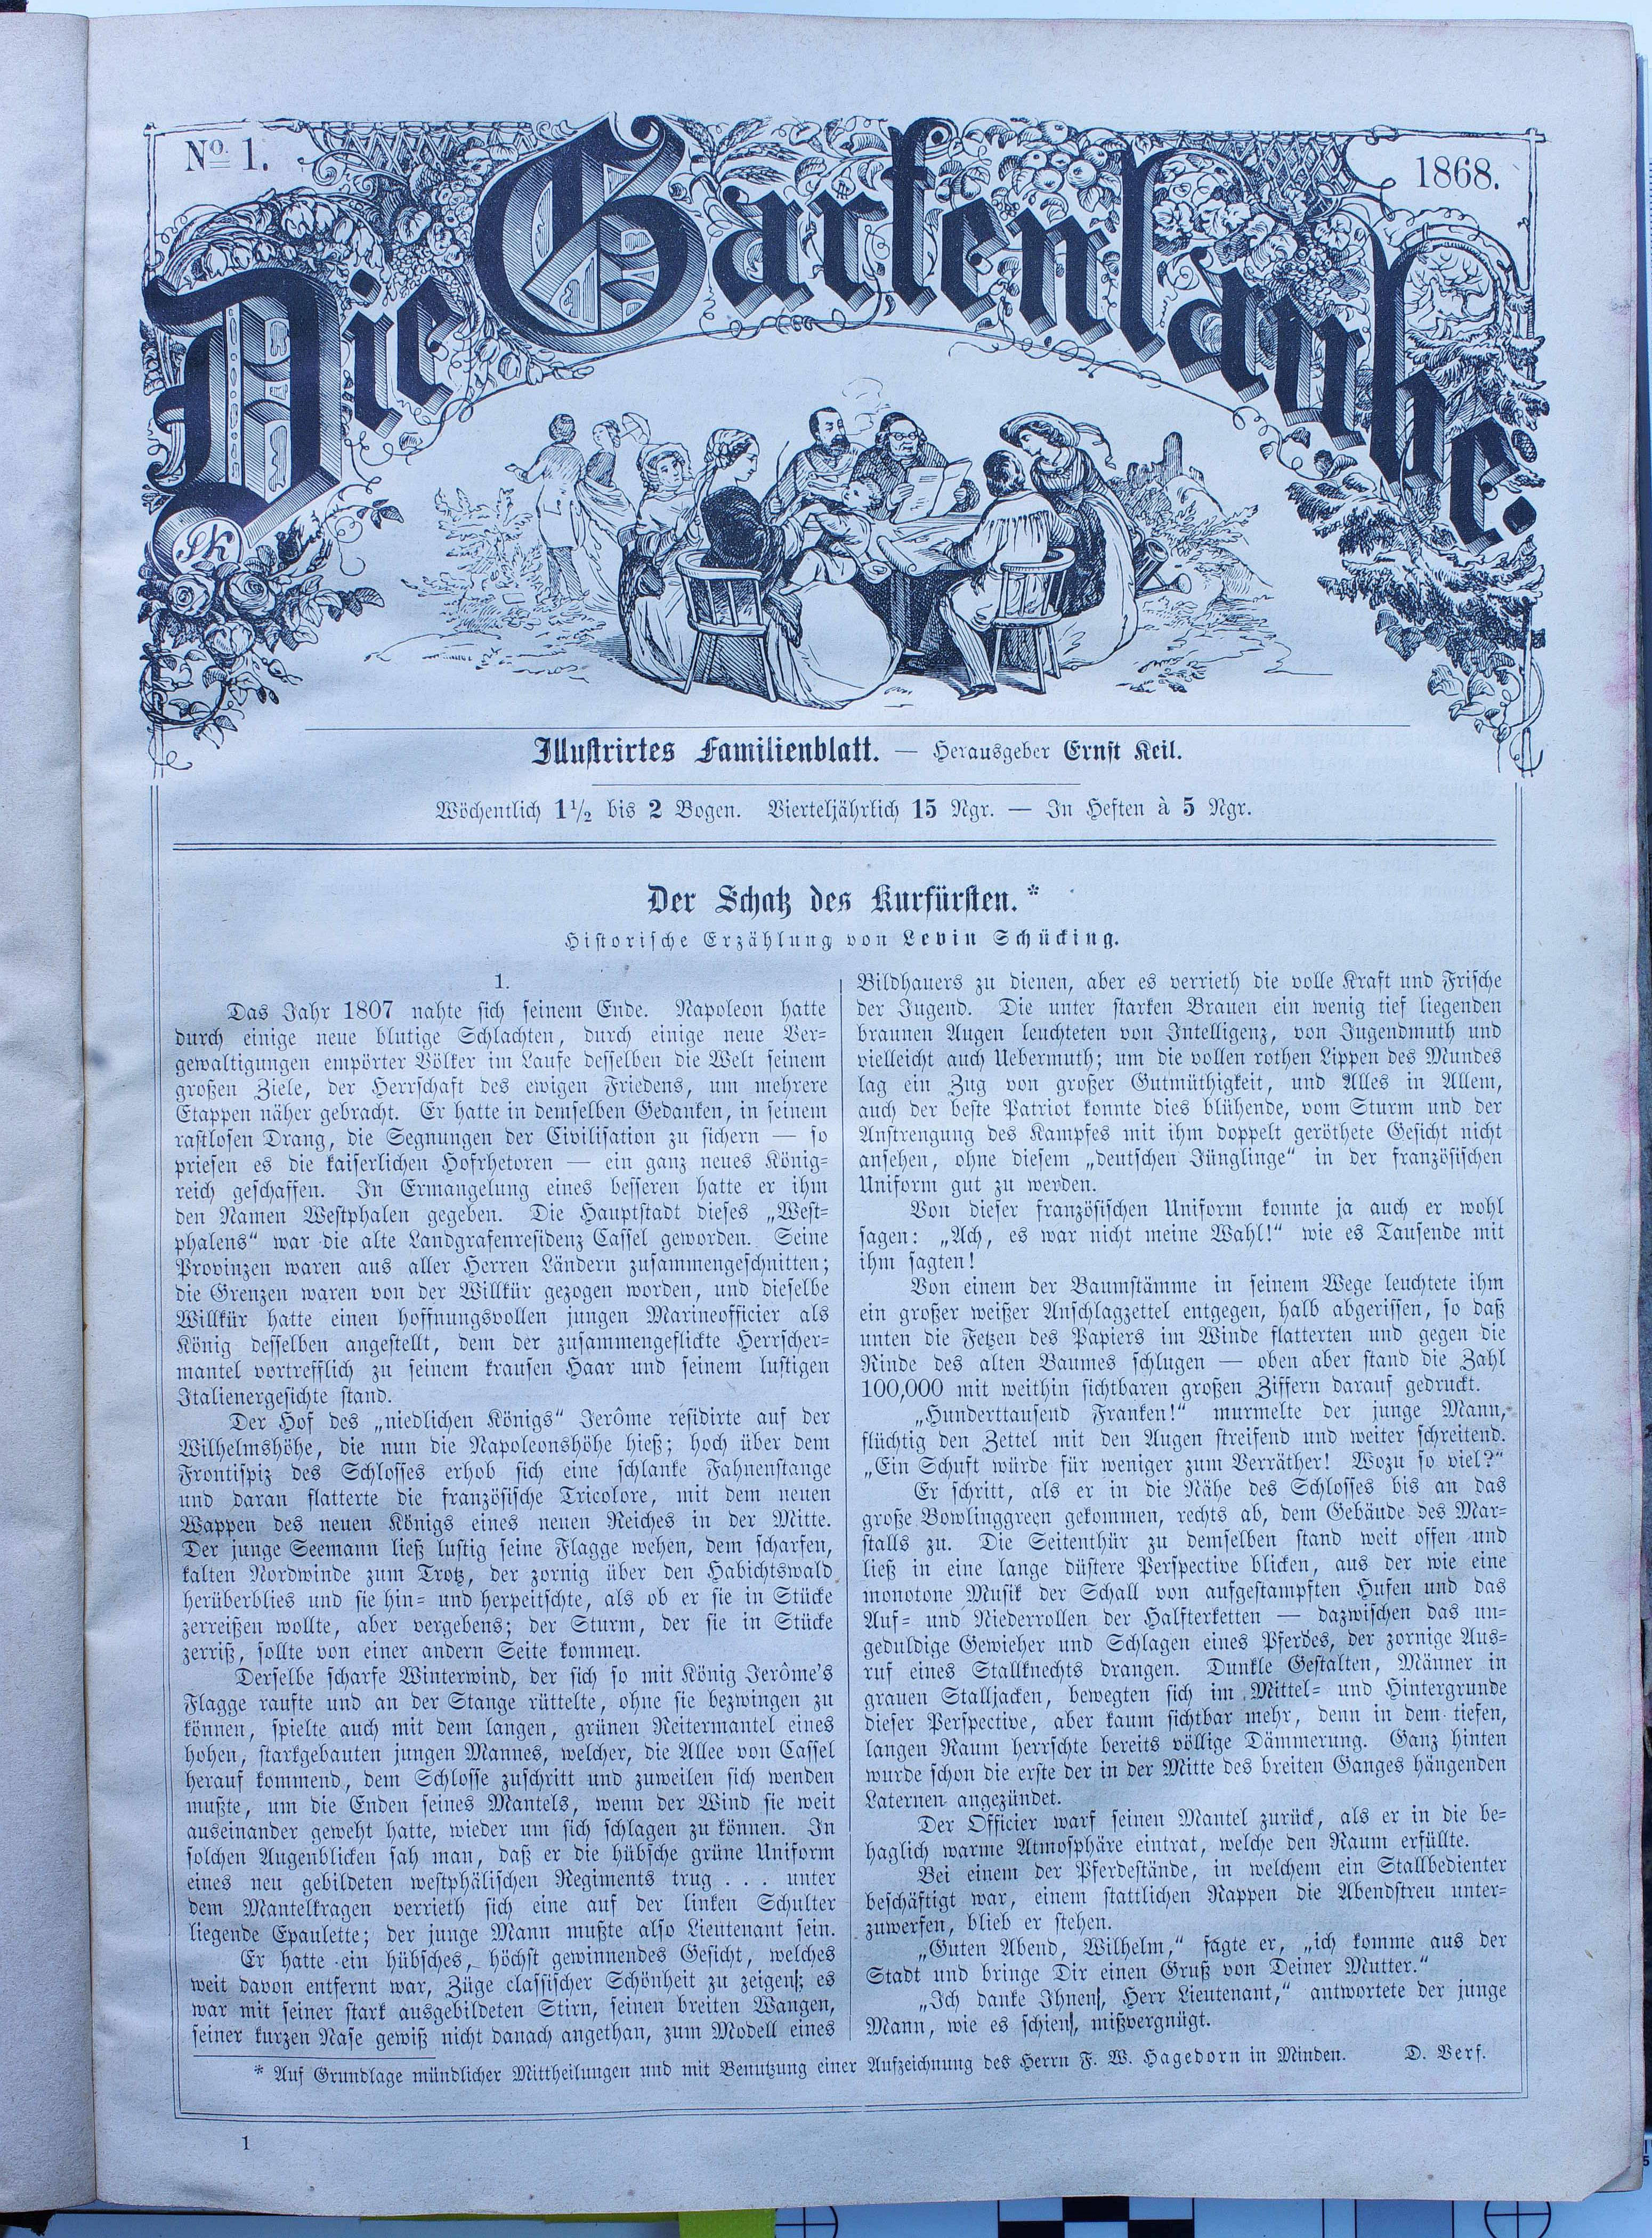No. 1. 1868.
Die Gartenlaube.

Illustrirtes Familienblatt. – Herausgeber Ernst Keil.

Wöchentlich 1½ bis 2 Bogen. Vierteljährlich 15 Ngr. – In Heften à 5 Ngr.

Der Schatz des Kurfürsten.
Historische Erzählung von Levin Schücking.

1.

Das Jahr 1807 nahte sich seinem Ende. Napoleon hatte durch einige neue blutige Schlachten, durch einige neue Vergewaltigungen empörter Völker im Laufe desselben die Welt seinem großen Ziele, der Herrschaft des ewigen Friedens, um mehrere Etappen näher gebracht. Er hatte in demselben Gedanken, in seinem rastlosen Drang, die Segnungen der Civilisation zu sichern – so priesen es die kaiserlichen Hofrhetoren – ein ganz neues Königreich geschaffen. In Ermangelung eines besseren hatte er ihm den Namen Westphalen gegeben. Die Hauptstadt dieses „Westphalens“ war die alte Landgrafenresidenz Cassel geworden. Seine Provinzen waren aus aller Herren Ländern zusammengeschnitten; die Grenzen waren von der Willkür gezogen worden, und dieselbe Willkür hatte einen hoffnungsvollen jungen Marineofficier als König desselben angestellt, dem der zusammengeflickte Herrschermantel vortrefflich zu seinem krausen Haar und seinem lustigen Italienergesichte stand.

Der Hof des „niedlichen Königs“ Jerôme residirte auf der Wilhelmshöhe, die nun die Napoleonshöhe hieß; hoch über dem Frontispiz des Schlosses erhob sich eine schlanke Fahnenstange und daran flatterte die französische Tricolore, mit dem neuen Wappen des neuen Königs eines neuen Reiches in der Mitte. Der junge Seemann ließ lustig seine Flagge wehen, dem scharfen, kalten Nordwinde zum Trotz, der zornig über den Habichtswald herüberblies und sie hin- und herpeitschte, als ob er sie in Stücke zerreißen wollte, aber vergebens; der Sturm, der sie in Stücke zerriß, sollte von einer andern Seite kommen.

Derselbe scharfe Winterwind, der sich so mit König Jerôme’s Flagge raufte und an der Stange rüttelte, ohne sie bezwingen zu können, spielte auch mit dem langen, grünen Reitermantel eines hohen, starkgebauten jungen Mannes, welcher, die Allee von Cassel herauf kommend, dem Schlosse zuschritt und zuweilen sich wenden mußte, um die Enden seines Mantels, wenn der Wind sie weit auseinander geweht hatte, wieder um sich schlagen zu können. In solchen Augenblicken sah man, daß er die hübsche grüne Uniform eines neu gebildeten westphälischen Regiments trug … unter dem Mantelkragen verrieth sich eine auf der linken Schulter liegende Epaulette; der junge Mann mußte also Lieutenant sein.

Er hatte ein hübsches, höchst gewinnendes Gesicht, welches weit davon entfernt war, Züge classischer Schönheit zu zeigen; es war mit seiner stark ausgebildeten Stirn, seinen breiten Wangen, seiner kurzen Nase gewiß nicht danach angethan, zum Modell eines Bildhauers zu dienen, aber es verrieth die volle Kraft und Frische der Jugend. Die unter starken Brauen ein wenig tief liegenden braunen Augen leuchteten von Intelligenz, von Jugendmuth und vielleicht auch Uebermuth; um die vollen rothen Lippen des Mundes lag ein Zug von großer Gutmüthigkeit, und Alles in Allem, auch der beste Patriot konnte dies blühende, vom Sturm und der Anstrengung des Kampfes mit ihm doppelt geröthete Gesicht nicht ansehen, ohne diesem „deutschen Jünglinge“ in der französischen Uniform gut zu werden.

Von dieser französischen Uniform konnte ja auch er wohl sagen: „Ach, es war nicht meine Wahl!“ wie es Tausende mit ihm sagten!

Von einem der Baumstämme in seinem Wege leuchtete ihm ein großer weißer Anschlagzettel entgegen, halb abgerissen, so daß unten die Fetzen des Papiers im Winde flatterten und gegen die Rinde des alten Baumes schlugen – oben aber stand die Zahl 100,000 mit weithin sichtbaren großen Ziffern darauf gedruckt.

„Hunderttausend Franken!“ murmelte der junge Mann, flüchtig den Zettel mit den Augen streifend und weiter schreitend. „Ein Schuft würde für weniger zum Verräther! Wozu so viel?“

Er schritt, als er in die Nähe des Schlosses bis an das große Bowlinggreen gekommen, rechts ab, dem Gebäude des Marstalls zu. Die Seitenthür zu demselben stand weit offen und ließ in eine lange düstere Perspective blicken, aus der wie eine monotone Musik der Schall von aufgestampften Hufen und das Auf- und Niederrollen der Halfterketten – dazwischen das ungeduldige Gewieher und Schlagen eines Pferdes, der zornige Ausruf eines Stallknechts drangen. Dunkle Gestalten, Männer in grauen Stalljacken, bewegten sich im Mittel- und Hintergrunde dieser Perspective, aber kaum sichtbar mehr, denn in dem tiefen, langen Raum herrschte bereits völlige Dämmerung. Ganz hinten wurde schon die erste der in der Mitte des breiten Ganges hängenden Laternen angezündet.

Der Officier warf seinen Mantel zurück, als er in die behaglich warme Atmosphäre eintrat, welche den Raum erfüllte.

Bei einem der Pferdestände, in welchem ein Stallbedienter beschäftigt war, einem stattlichen Rappen die Abendstreu unterzuwerfen, blieb er stehen.

„Guten Abend, Wilhelm,“ sagte er, „ich komme aus der Stadt und bringe Dir einen Gruß von Deiner Mutter.“

„Ich danke Ihnen, Herr Lieutenant,“ antwortete der junge Mann, wie es schien, mißvergnügt.
Auf Grundlage mündlicher Mittheilungen und mit Benutzung einer Aufzeichnung des Herrn F. W. Hagedorn in Minden.
D. Verf.
